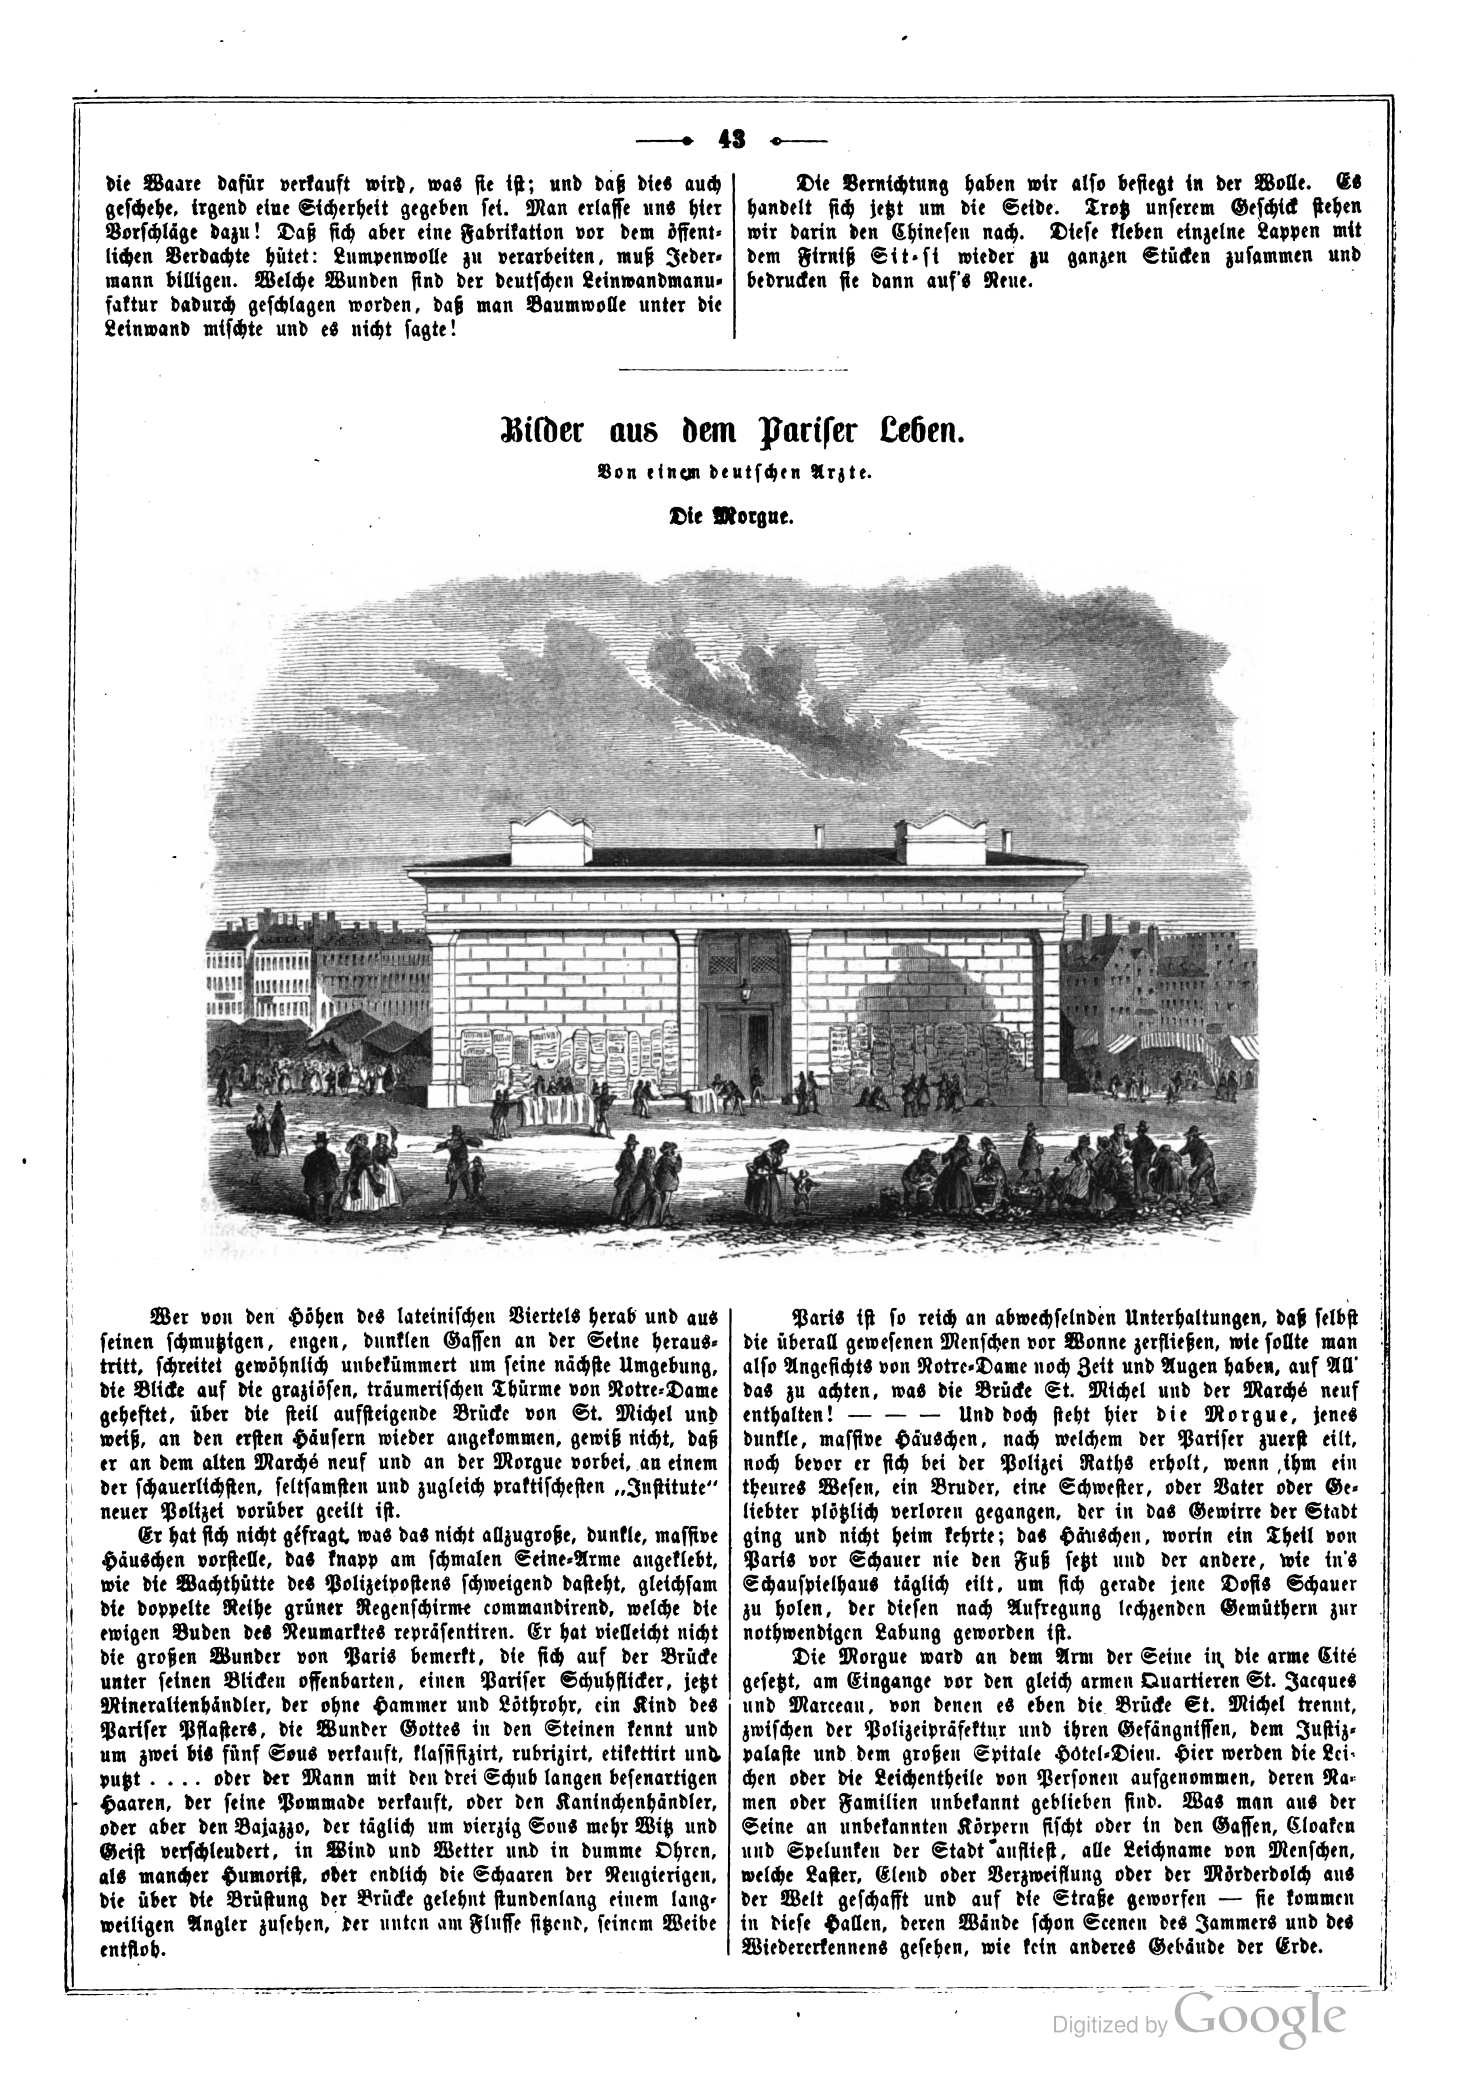die Waare dafür verkauft wird, was sie ist; und daß dies auch geschehe, irgend eine Sicherheit gegeben sei. Man erlasse uns hier Vorschläge dazu! Daß sich aber eine Fabrikation vor dem öffentlichen Verdachte hütet: Lumpenwolle zu verarbeiten, muß Jedermann billigen. Welche Wunden sind der deutschen Leinwandmanufaktur dadurch geschlagen worden, daß man Baumwolle unter die Leinwand mischte und es nicht sagte!

Die Vernichtung haben wir also besiegt in der Wolle. Es handelt sich jetzt um die Seide. Trotz unserem Geschick stehen wir darin den Chinesen nach. Diese kleben einzelne Lappen mit dem Firniß Sit-si wieder zu ganzen Stücken zusammen und bedrucken sie dann auf’s Neue.

Bilder aus dem Pariser Leben.
Von einem deutschen Arzte.

Die Morgue.

Wer von den Höhen des lateinischen Viertels herab und aus seinen schmutzigen, engen, dunklen Gassen an der Seine heraustritt, schreitet gewöhnlich unbekümmert um seine nächste Umgebung, die Blicke auf die graziösen, träumerischen Thürme von Notre-Dame geheftet, über die steil aufsteigende Brücke von St. Michel und weiß, an den ersten Häusern wieder angekommen, gewiß nicht, daß er an dem alten Marché neuf und an der Morgue vorbei, an einem, der schauerlichsten, seltsamsten und zugleich praktischesten „Institute“ neuer Polizei vorüber geeilt ist.

Er hat sich nicht gefragt, was das nicht allzugroße, dunkle, massive Häuschen vorstelle, das knapp am schmalen Seine-Arme angeklebt, wie die Wachthütte des Polizeipostens schweigend dasteht, gleichsam, die doppelte Reihe grüner Regenschirme commandirend, welche die ewigen Buden des Neumarktes repräsentiren. Er hat vielleicht nicht die großen Wunder von Paris bemerkt, die sich auf der Brücke unter seinen Blicken offenbarten, einen Pariser Schuhflicker, jetzt Mineralienhändler, der ohne Hammer und Löthrohr, ein Kind des Pariser Pflasters, die Wunder Gottes in den Steinen kennt und um zwei bis fünf Sous verkauft, klassifizirt, rubrizirt, etikettirt und putzt … oder der Mann mit den drei Schub langen besenartigen Haaren, der seine Pommade verkauft, oder den Kaninchenhändler, oder aber den Bajazzo, der täglich um vierzig Sous mehr Witz und Geist verschleudert, in Wind und Wetter und in dumme Ohren, als mancher Humorist, oder endlich die Schaaren der Neugierigen, die über die Brüstung der Brücke gelehnt stundenlang einem langweiligen Angler zusehen, der unten am Flusse sitzend, seinem Weibe entfloh.

Paris ist so reich an abwechselnden Unterhaltungen, daß selbst die überall gewesenen Menschen vor Wonne zerfließen, wie sollte man also Angesichts von Notre-Dame noch Zeit und Augen haben, auf All’ das zu achten, was die Brücke St. Michel und der Marché neuf enthalten! – – – Und doch steht hier die Morgue, jenes dunkle, massive Häuschen, nach welchem der Pariser zuerst eilt, noch bevor er sich bei der Polizei Raths erholt, wenn ihm ein theures Wesen, ein Bruder, eine Schwester, oder Vater oder Geliebter plötzlich verloren gegangen, der in das Gewirre der Stadt ging und nicht heim kehrte; das Häuschen, worin ein Theil von Paris vor Schauer nie den Fuß setzt und der andere, wie in’s Schauspielhaus täglich eilt, um sich gerade jene Dosis Schauer zu holen, der diesen nach Aufregung lechzenden Gemüthern zur nothwendigen Labung geworden ist.

Die Morgue ward an dem Arm der Seine in die arme Cité gesetzt, am Eingange vor den gleich armen Quartieren St. Jacques und Marceau, von denen es eben die Brücke St. Michel trennt, zwischen der Polizeipräfektur und ihren Gefängnissen, dem Justizpalaste und dem großen Spitale Hôtel-Dieu. Hier werden die Leichen oder die Leichentheile von Personen aufgenommen, deren Namen oder Familien unbekannt geblieben sind. Was man aus der Seine an unbekannten Körpern fischt oder in den Gassen, Cloaken und Spelunken der Stadt aufliest, alle Leichname von Menschen, welche Laster, Elend oder Verzweiflung oder der Mörderdolch aus der Welt geschafft und auf die Straße geworfen – sie kommen in diese Hallen, deren Wände schon Scenen des Jammers und des Wiedererkennens gesehen, wir kein anderes Gebäude der Erde.
